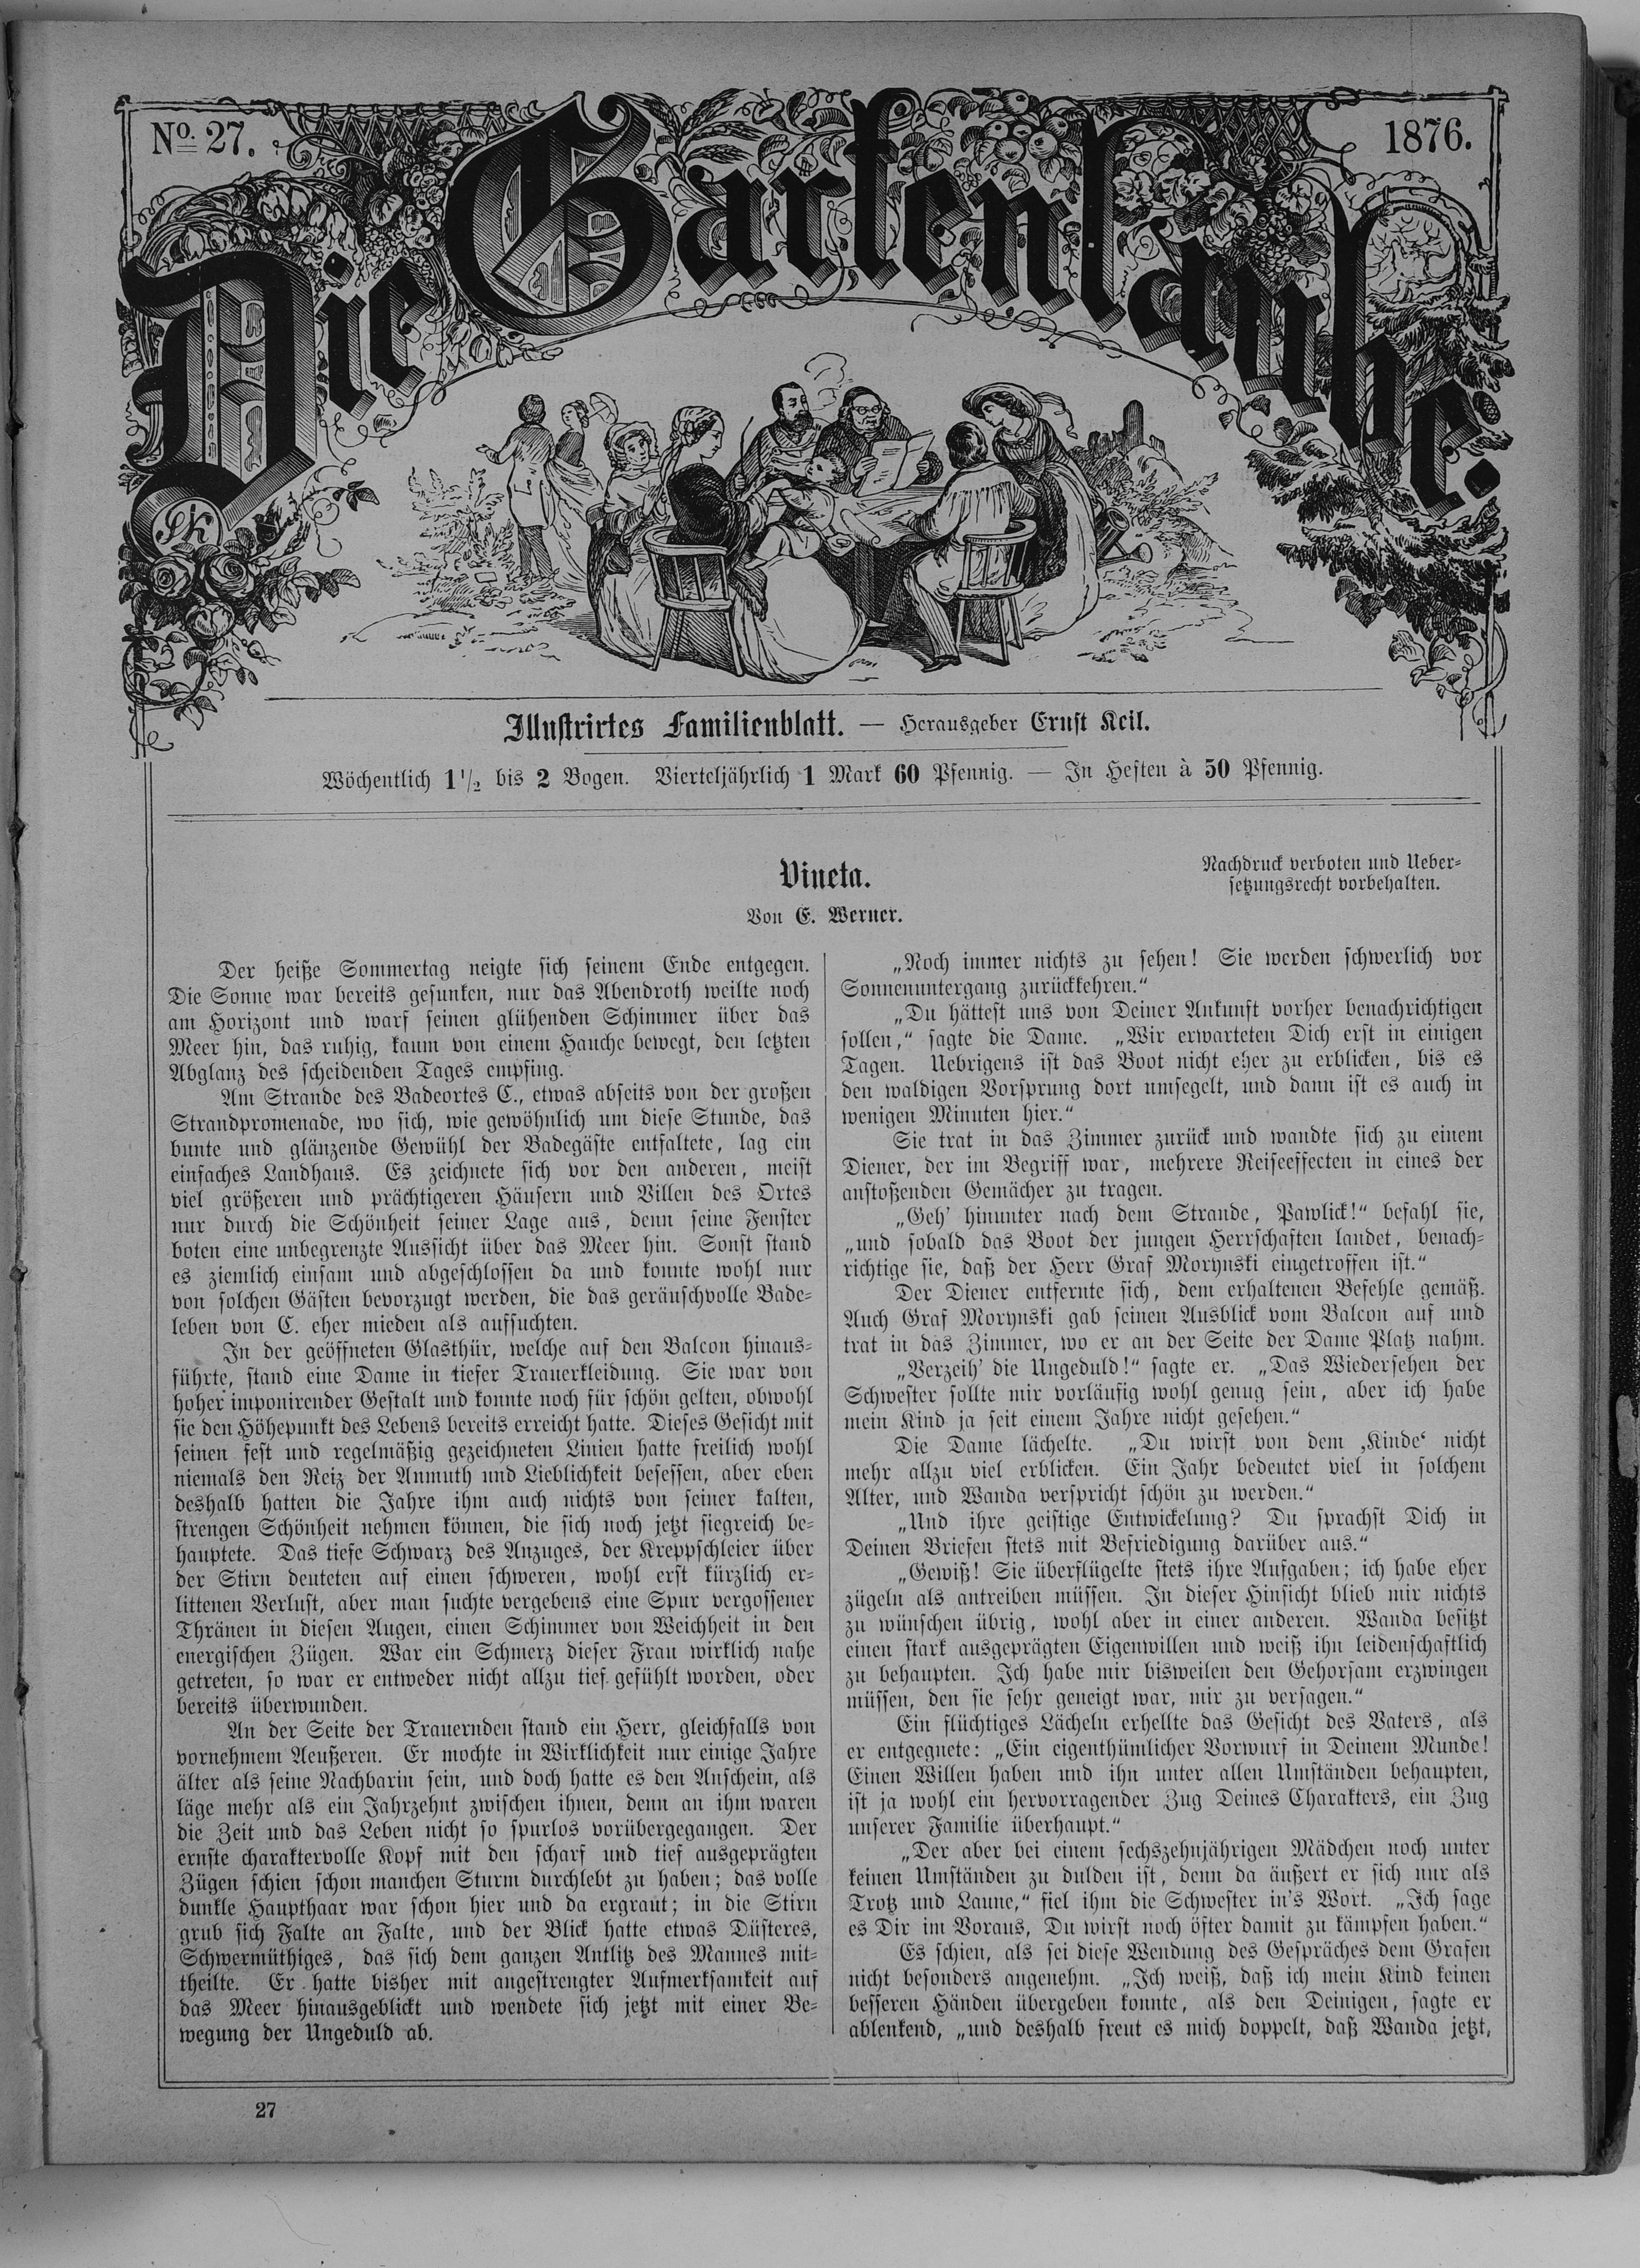No. 27. 1876.
Die Gartenlaube.

Illustrirtes Familienblatt. – Herausgeber Ernst Keil.

Wöchentlich 1½ bis 2 Bogen. Vierteljährlich 1 Mark 60 Pfennig – In Heften à 50 Pfennig.

Nachdruck verboten und Ueber-
setzungsrecht vorbehalten.

Vineta.

Von E. Werner.

Der heiße Sommertag neigte sich seinem Ende entgegen. Die Sonne war bereits gesunken, nur das Abendroth weilte noch am Horizont und warf seinen glühenden Schimmer über das Meer hin, das ruhig, kaum von einem Hauche bewegt, den letzten Abglanz des scheidenden Tages empfing.

Am Strande des Badeortes C., etwas abseits von der großen Strandpromenade, wo sich, wie gewöhnlich um diese Stunde, das bunte und glänzende Gewühl der Badegäste entfaltete, lag ein einfaches Landhaus. Es zeichnete sich vor den anderen, meist viel größeren und prächtigeren Häusern und Villen des Ortes nur durch die Schönheit seiner Lage aus, denn seine Fenster boten eine unbegrenzte Aussicht über das Meer hin. Sonst stand es ziemlich einsam und abgeschlossen da und konnte wohl nur von solchen Gästen bevorzugt werden, die das geräuschvolle Badeleben von C. eher mieden als aufsuchten.

In der geöffneten Glasthür, welche auf den Balcon hinausführte, stand eine Dame in tiefer Trauerkleidung. Sie war von hoher imponirender Gestalt und konnte noch für schön gelten, obwohl sie den Höhepunkt des Lebens bereits erreicht hatte. Dieses Gesicht mit seinen fest und regelmäßig gezeichneten Linien hatte freilich wohl niemals den Reiz der Anmuth und Lieblichkeit besessen, aber eben deshalb hatten die Jahre ihm auch nichts von seiner kalten, strengen Schönheit nehmen können, die sich noch jetzt siegreich behauptete. Das tiefe Schwarz des Anzuges, der Kreppschleier über der Stirn deuteten auf einen schweren, wohl erst kürzlich erlittenen Verlust, aber man suchte vergebens eine Spur vergossener Thränen in diesen Augen, einen Schimmer von Weichheit in den energischen Zügen. War ein Schmerz dieser Frau wirklich nahe getreten, so war er entweder nicht allzu tief gefühlt worden, oder bereits überwunden.

An der Seite der Trauernden stand ein Herr, gleichfalls von vornehmem Aeußeren. Er mochte in Wirklichkeit nur einige Jahre älter als seine Nachbarin sein, und doch hatte es den Anschein, als läge mehr als ein Jahrzehnt zwischen ihnen, denn an ihm waren die Zeit und das Leben nicht so spurlos vorübergegangen. Der ernste charaktervolle Kopf mit den scharf und tief ausgeprägten Zügen schien schon manchen Sturm durchlebt zu haben; das volle dunkle Haupthaar war schon hier und da ergraut; in die Stirn grub sich Falte an Falte, und der Blick hatte etwas Düsteres, Schwermüthiges, das sich dem ganzen Antlitz des Mannes mittheilte. Er hatte bisher mit angestrengter Aufmerksamkeit auf das Meer hinausgeblickt und wendete sich jetzt mit einer Bewegung der Ungeduld ab.

„Noch immer nichts zu sehen! Sie werden schwerlich vor Sonnenuntergang zurückkehren.“

„Du hättest uns von Deiner Ankunft vorher benachrichtigen sollen,“ sagte die Dame. „Wir erwarteten Dich erst in einigen Tagen. Uebrigens ist das Boot nicht eher zu erblicken, bis es den waldigen Vorsprung dort umsegelt, und dann ist es auch in wenigen Minuten hier.“

Sie trat in das Zimmer zurück und wandte sich zu einem Diener, der im Begriff war, mehrere Reiseeffecten in eines der anstoßenden Gemächer zu tragen.

„Geh’ hinunter nach dem Strande, Pawlick!“ befahl sie, „und sobald das Boot der jungen Herrschaften landet, benachrichtige sie, daß der Herr Graf Morynski eingetroffen ist.“

Der Diener entfernte sich, dem erhaltenen Befehle gemäß. Auch Graf Morynski gab seinen Ausblick vom Balcon auf und trat in das Zimmer, wo er an der Seite der Dame Platz nahm.

„Verzeih’ die Ungeduld!“ sagte er. „Das Wiedersehen der Schwester sollte mir vorläufig wohl genug sein, aber ich habe mein Kind ja seit einem Jahre nicht gesehen.“

Die Dame lächelte. „Du wirst von dem ‚Kinde‘ nicht mehr allzu viel erblicken. Ein Jahr bedeutet viel in solchem Alter, und Wanda verspricht schön zu werden.“

„Und ihre geistige Entwickelung? Du sprachst Dich in Deinen Briefen stets mit Befriedigung darüber aus.“

„Gewiß! Sie überflügelte stets ihre Aufgaben; ich habe eher zügeln als antreiben müssen. In dieser Hinsicht blieb mir nichts zu wünschen übrig, wohl aber in einer anderen. Wanda besitzt einen stark ausgeprägten Eigenwillen und weiß ihn leidenschaftlich zu behaupten. Ich habe mir bisweilen den Gehorsam erzwingen müssen, den sie sehr geneigt war, mir zu versagen.“

Ein flüchtiges Lächeln erhellte das Gesicht des Vaters, als er entgegnete: „Ein eigenthümlicher Vorwurf in Deinem Munde! Einen Willen haben und ihn unter allen Umständen behaupten, ist ja wohl ein hervorragender Zug Deines Charakters, ein Zug unserer Familie überhaupt.“

„Der aber bei einem sechszehnjährigen Mädchen noch unter keinen Umständen zu dulden ist, denn da äußert er sich nur als Trotz und Laune,“ fiel ihm die Schwester in’s Wort. „Ich sage es Dir im Voraus, Du wirst noch öfter damit zu kämpfen haben.“

Es schien, als sei diese Wendung des Gespräches dem Grafen nicht besonders angenehm. „Ich weiß, daß ich mein Kind keinen besseren Händen übergeben konnte, als den Deinigen, sagte er ablenkend, „und deshalb freut es mich doppelt, daß Wanda jetzt,
